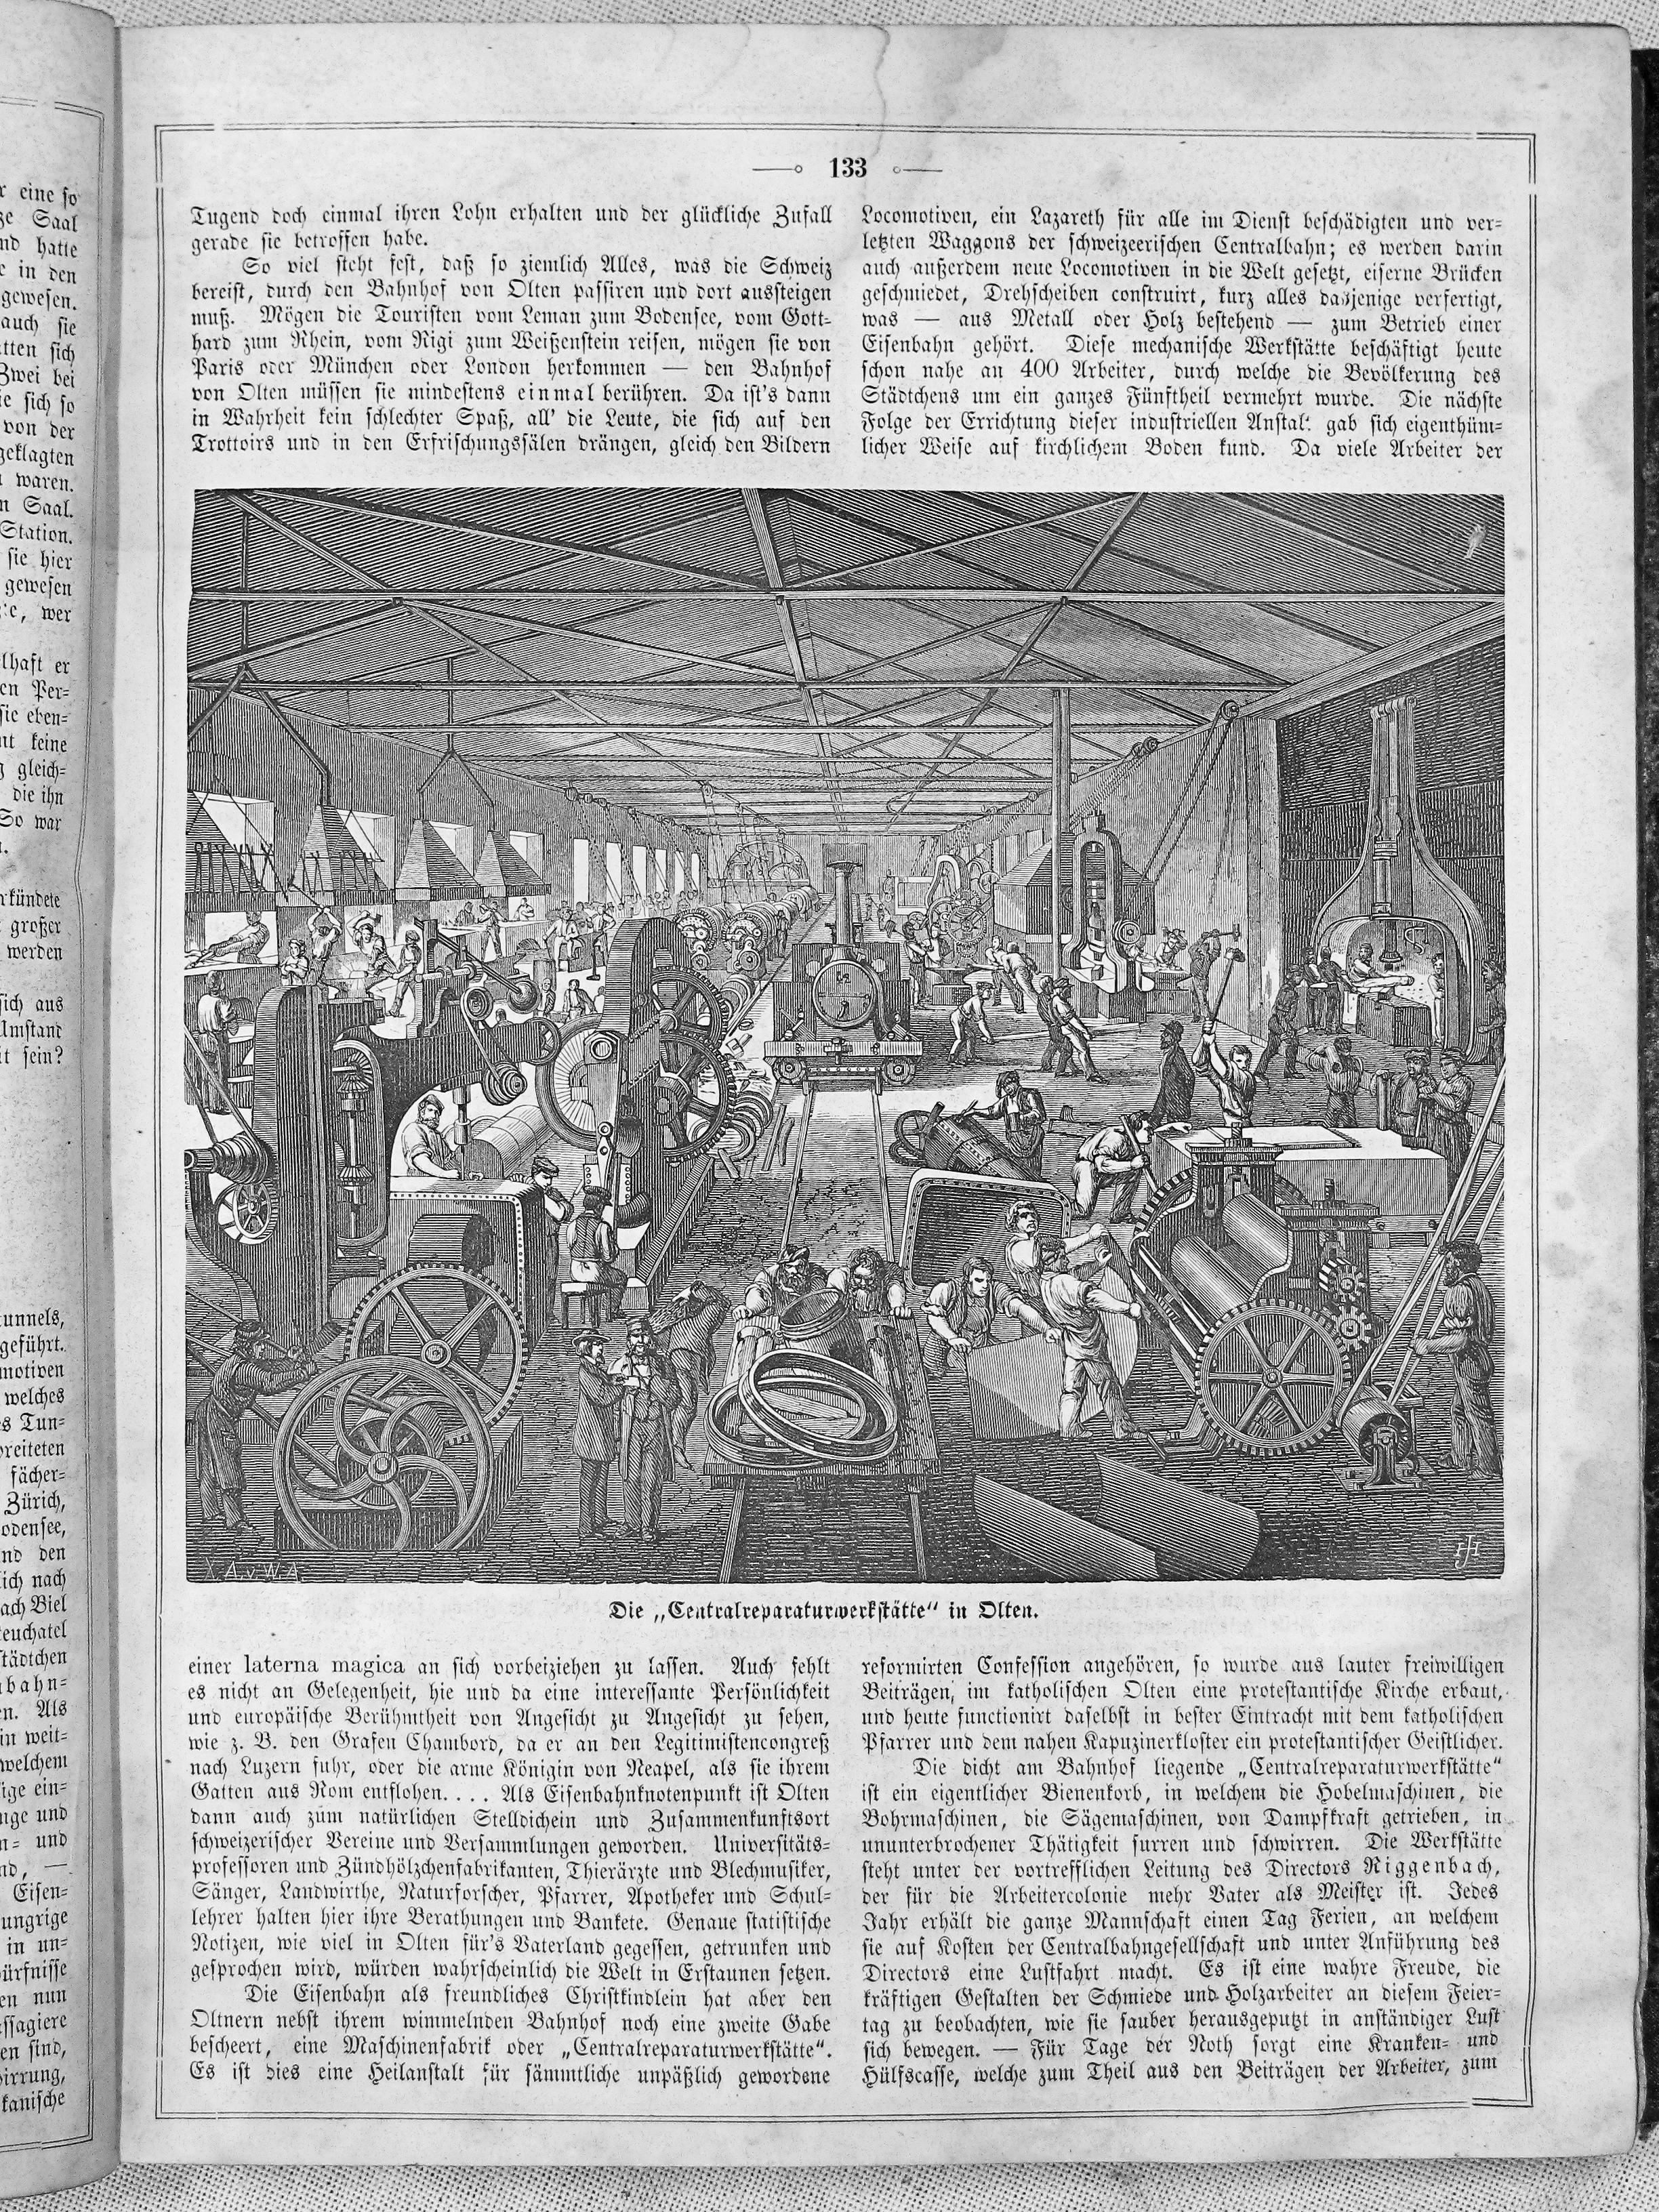Tugend doch einmal ihren Lohn erhalten und der glückliche Zufall gerade sie betroffen habe.

So viel steht fest, daß so ziemlich Alles, was die Schweiz bereist, durch den Bahnhof von Olten passiren und dort aussteigen muß. Mögen die Touristen vom Leman zum Bodensee, vom Gotthard zum Rhein, vom Rigi zum Weißenstein reisen, mögen sie von Paris oder München oder London herkommen – den Bahnhof von Olten müssen sie mindestens einmal berühren. Da ist’s dann in Wahrheit kein schlechter Spaß, all’ die Leute, die sich auf den Trottoirs und in den Erfrischungssälen drängen, gleich den Bildern einer laterna magica an sich vorbeiziehen zu lassen. Auch fehlt es nicht an Gelegenheit, hie und da eine interessante Persönlichkeit und europäische Berühmtheit von Angesicht zu Angesicht zu sehen, wie z. B. den Grafen Chambord, da er an den Legitimistencongreß nach Luzern fuhr, oder die arme Königin von Neapel, als sie ihrem Gatten aus Rom entflohen. … Als Eisenbahnknotenpunkt ist Olten dann auch zum natürlichen Stelldichein und Zusammenkunftsort schweizerischer Vereine und Versammlungen geworden. Universitätsprosessoren und Zündhölzchenfabrikanten, Thierärzte und Blechmusiker, Sänger, Landwirthe, Naturforscher, Pfarrer, Apotheker und Schullehrer halten hier ihre Berathungen und Bankete. Genaue statistische Notizen, wie viel in Olten für’s Vaterland gegessen, getrunken und gesprochen wird, würden wahrscheinlich die Welt in Erstaunen setzen.

Die „Centralreperaturwerkstätte“ in Olten.

Die Eisenbahn als freundliches Christkindlein hat aber den Oltnern nebst ihrem wimmelnden Bahnhof noch eine zweite Gabe bescheert, eine Maschinenfabrik oder „Centralreparaturwerkstätte“. Es ist dies eine Heilanstalt für sämmtliche unpäßlich gewordene Locomotiven, ein Lazareth für alle im Dienst beschädigten und verletzten Waggons der schweizerischen Centralbahn; es werden darin auch außerdem neue Locomotiven in die Welt gesetzt, eiserne Brücken geschmiedet, Drehscheiben construirt, kurz alles dasjenige verfertigt, was – aus Metall oder Holz bestehend – zum Betrieb einer Eisenbahn gehört. Diese mechanische Werkstätte beschäftigt heute schon nahe an 400 Arbeiter, durch welche die Bevölkerung des Städtchens um ein ganzes Fünftheil vermehrt wurde. Die nächste Folge der Errichtung dieser industriellen Anstalt gab sich eigenthümlicher Weise auf kirchlichem Boden kund. Da viele Arbeiter der reformirten Confession angehören, so wurde aus lauter freiwilligen Beiträgen im katholischen Olten eine protestantische Kirche erbaut, und heute functionirt daselbst in bester Eintracht mit dem katholischen Pfarrer und dem nahen Kapuzinerkloster ein protestantischer Geistlicher.

Die dicht am Bahnhof liegende „Centralreparaturwerkstätte“ ist ein eigentlicher Bienenkorb, in welchem die Hobelmaschinen, die Bohrmaschinen, die Sägemaschinen, von Dampfkraft getrieben, in ununterbrochener Thätigkeit surren und schwirren. Die Werkstätte steht unter der vortrefflichen Leitung des Directors Riggenbach, der für die Arbeitercolonie mehr Vater als Meister ist. Jedes Jahr erhält die ganze Mannschaft einen Tag Ferien, an welchem sie auf Kosten der Centralbahngesellschaft und unter Anführung des Directors eine Lustfahrt macht. Es ist eine wahre Freude, die kräftigen Gestalten der Schmiede und Holzarbeiter an diesem Feiertag zu beobachten, wie sie sauber herausgeputzt in anständiger Lust sich bewegen. – Für Tage der Noth sorgt eine Kranken- und Hülfscasse, welche zum Theil aus den Beiträgen der Arbeiter, zum
